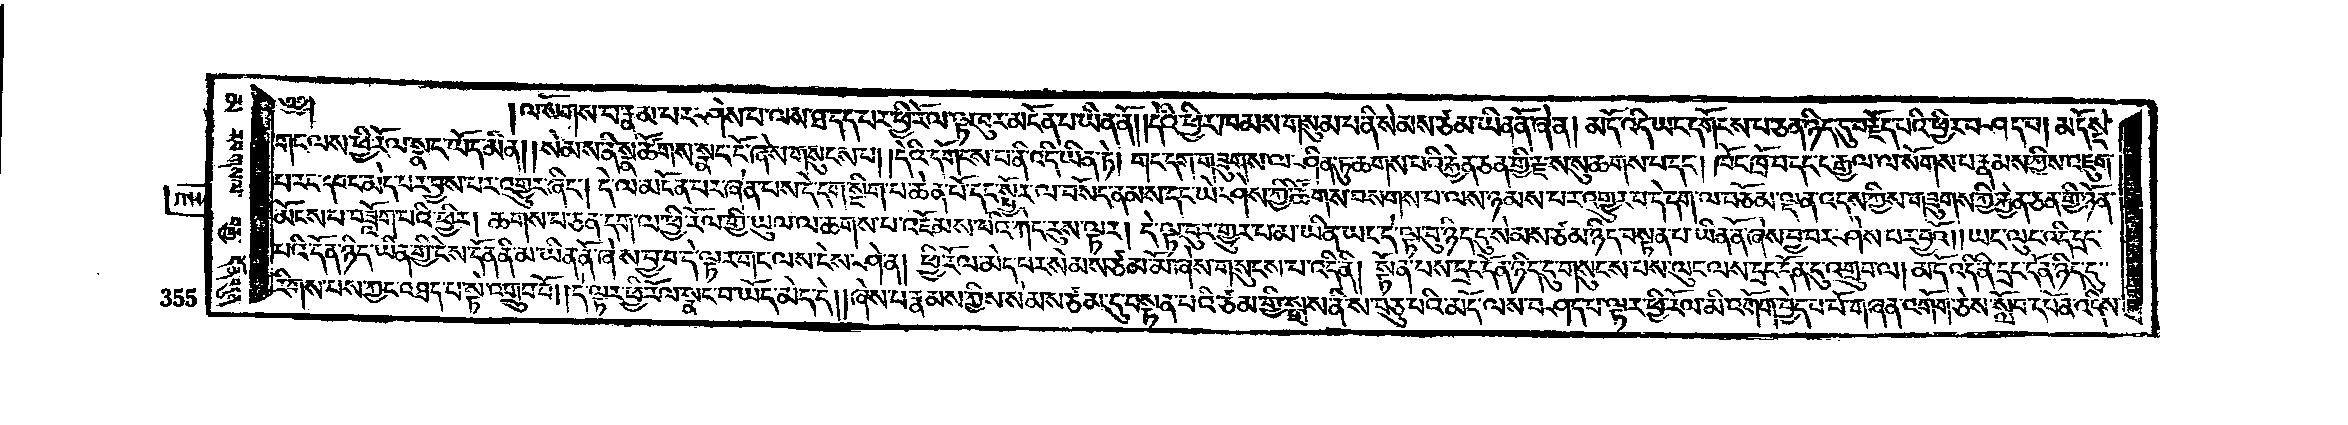༄༅། །ལ་སོགས་པ་རྣམ་པར་ཤེས་པ་ལས་ཐ་དད་པར་ཕྱི་རོལ་ལྟ་བུར་མངོན་པ་ཡིན་ནོ། །དེའི་ཕྱིར་ཁམས་གསུམ་པ་ནི་སེམས་ཙམ་ཡིན་ནོ་ཞེ་ན། མདོ་འདི་ཡང་དགོངས་པ་ཅན་ཉིད་དུ་བརྗོད་པའི་ཕྱིར་བཤད་པ། མདོ་སྡེ་
གང་ལས་ཕྱི་རོལ་སྣང་ཡོད་མིན། །སེམས་ནི་སྣ་ཚོགས་སྣང་ངོ་ཞེས་གསུངས་པ། །དེའི་དགོངས་པ་ནི་འདི་ཡིན་ཏེ། གང་དག་གཟུགས་ལ་ཤིན་ཏུ་ཆགས་པའི་རྐྱེན་ཅན་གྱི་རྫས་སུ་ཆགས་པ་དང་། ཁོང་ཁྲོ་བ་དང་ང་རྒྱལ་ལ་སོགས་པ་རྣམས་ཀྱིས་འཇུག་
པ་རང་དབང་མེད་པར་བྱས་པར་འགྱུར་ཞིང་། དེ་ལ་མངོན་པར་ཞེན་པས་དེ་དག་སྡིག་པ་ཆེན་པོ་དང་སྦྱོར་ལ་བསོད་ནམས་དང་ཡེ་ཤེས་ཀྱི་ཚོགས་བསགས་པ་ལས་ཉམས་པར་འགྱུར་བ་དེ་དག་ལ་བཅོམ་ལྡན་འདས་ཀྱིས་གཟུགས་ཀྱི་རྐྱེན་ཅན་གྱི་ཉོན་
མོངས་པ་བཟློག་པའི་ཕྱིར། ཆགས་པ་ཅན་དག་ལ་ཕྱི་རོལ་གྱི་ཡུལ་ལ་ཆགས་པ་འཇོམས་པའི་ཀེང་རུས་ལྟར། དེ་ལྟ་བུར་གྱུར་པ་མ་ཡིན་ཡང་དེ་ལྟ་བུ་ཉིད་དུ་སེམས་ཙམ་ཉིད་བསྟན་པ་ཡིན་ནོ་ཞེས་བྱ་བར་ཤེས་པར་བྱའོ། །ཡང་ལུང་འདི་དྲང་
པའི་དོན་ཉིད་ཡིན་གྱི་ངེས་དོན་ནི་མ་ཡིན་ནོ་ཞེས་བྱ་བ་དེ་ལྟར་གང་ལས་ངེས་ཤེ་ན། ཕྱི་རོལ་མེད་པར་སེམས་ཙམ་མོ་ཞེས་གསུངས་པ་འདི་ནི། སྟོན་པས་དྲང་དོན་ཉིད་དུ་གསུངས་པས་ལུང་ལས་དྲང་དོན་དུ་འགྲུབ་ལ། མདོ་འདི་ནི་དྲང་དོན་ཉིད་དུ་
རིགས་པས་ཀྱང་འཐད་པ་སྟེ་འགྲུབ་བོ། །དེ་ལྟར་ཕྱི་རོལ་སྣང་བ་ཡོད་མེད་དོ། །ཞེས་པ་རྣམས་ཀྱིས་སེམས་རྩམ་དུ་བསྟན་པའི་རྩམ་གྱི་སྒྲས་ནི་ས་བཅུ་པའི་མདོ་ལས་བཤད་པ་ལྟར་ཕྱི་རོལ་མི་འགོག་བྱེད་པ་པོ་གཞན་འགོག་ཅེས་སློབ་དཔོན་འདིས་